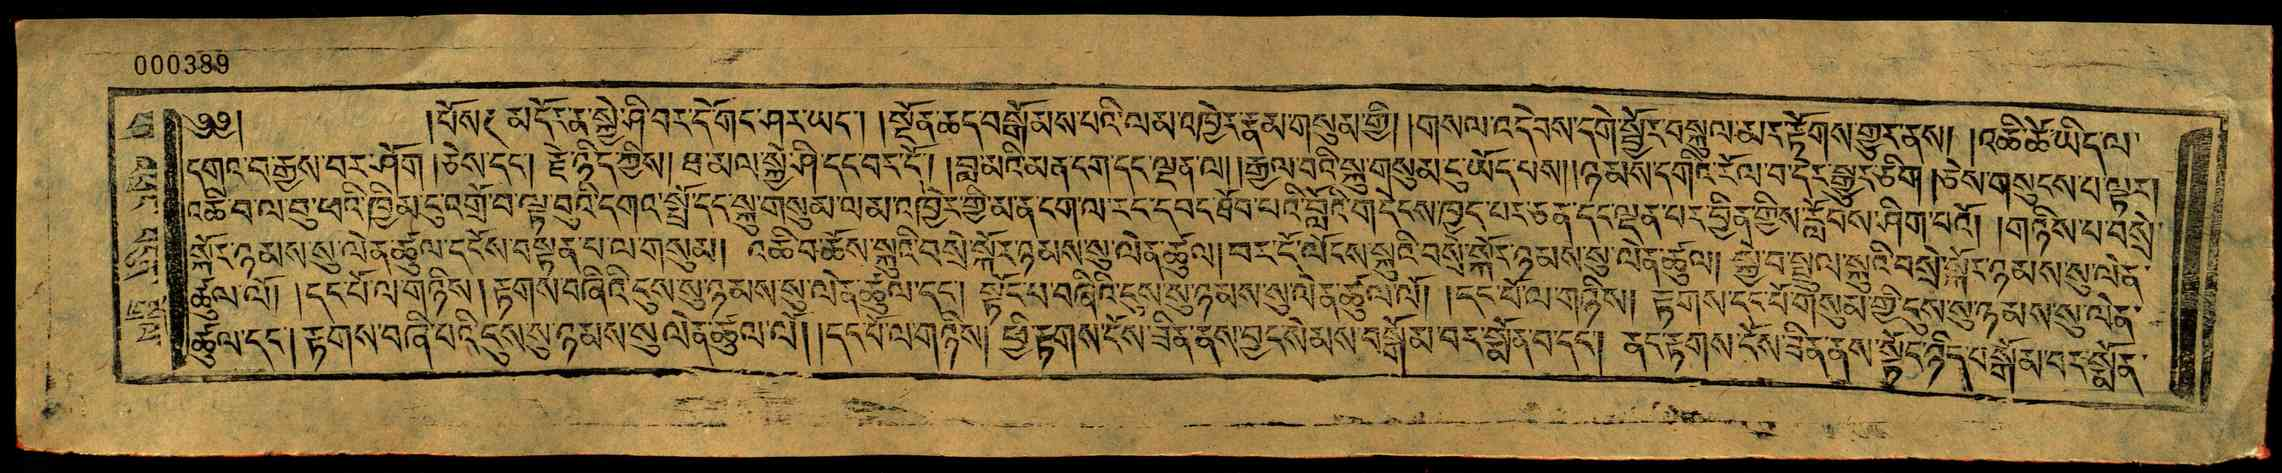༄༅། །པོས། མདོར་ན་སྐྱེ་ཤི་བར་དོ་གང་ཤར་ཡང་། །སྔོན་ཆད་བསྒོམས་པའི་ལམ་འཁྱེར་རྣམ་གསུམ་གྱི། །གསལ་འདེབས་དགེ་སྦྱོར་བསྐུལ་མར་རྟོགས་གྱུར་ནས། །འཆི་ཚེ་ཡིད་ལ་
དགའ་བ་རྒྱས་པར་ཤོག །ཅེས་དང་། རྗེ་ཉིད་ཀྱིས། ཐ་མལ་སྐྱེ་ཤི་དང་བར་དོ། །བླ་མའི་མན་ངག་དང་ལྡན་ལ། །རྒྱལ་བའི་སྐུ་གསུམ་དུ་ཡོད་པས། །ཉམས་དགའི་རོལ་པ་དེར་སྒྱུར་ཅིག །ཅེས་གསུངས་པ་ལྟར་
འཆི་བ་ལ་བུ་ཕའི་ཁྱིམ་དུ་འགྲོ་བ་ལྟ་བུའི་དགའ་སྤྲོ་དང་སྐུ་གསུམ་ལམ་འཁྱེར་གྱི་མན་ངག་ལ་རང་དབང་ཐོབ་པའི་བློའི་གདེངས་ཁྱད་པར་ཅན་དང་ལྡན་པར་བྱིན་གྱིས་རློབས་ཤིག་པའོ། །གཉིས་པ་བསྲེ་
སྐོར་ཉམས་སུ་ལེན་ཚུལ་དངོས་བསྟན་པ་ལ་གསུམ། འཆི་བ་ཆོས་སྐུའི་བསྲེ་སྐོར་ཉམས་སུ་ལེན་ཚུལ། བར་དོ་ལོངས་སྐུའི་བསྲེ་སྐོར་ཉམས་སུ་ལེན་ཚུལ། སྐྱེ་བ་སྤྲུལ་སྐུའི་བསྲེ་སྐོར་ཉམས་སུ་ལེན་
ཚུལ་ལོ། །དང་པོ་ལ་གཉིས། རྟགས་བཞིའི་དུས་སུ་ཉམས་སུ་ལེན་ཚུལ་དང་། སྟོང་པ་བཞིའི་དུས་སུ་ཉམས་སུ་ལེན་ཚུལ་ལོ། །དང་པོ་ལ་གཉིས། རྟགས་དང་པོ་གསུམ་གྱི་དུས་སུ་ཉམས་སུ་ལེན་
ཚུལ་དང་། རྟགས་བཞི་པའི་དུས་སུ་ཉམས་སུ་ལེན་ཚུལ་ལོ། །དང་པོ་ལ་གཉིས། ཕྱི་རྟགས་ངོས་ཟིན་པས་བྱང་སེམས་བསྒོམ་པར་སྨོན་པ་དང་། ནང་རྟགས་ངོས་ཟིན་ནས་སྟོང་ཉིད་བསྒོམ་པར་སྨོན་